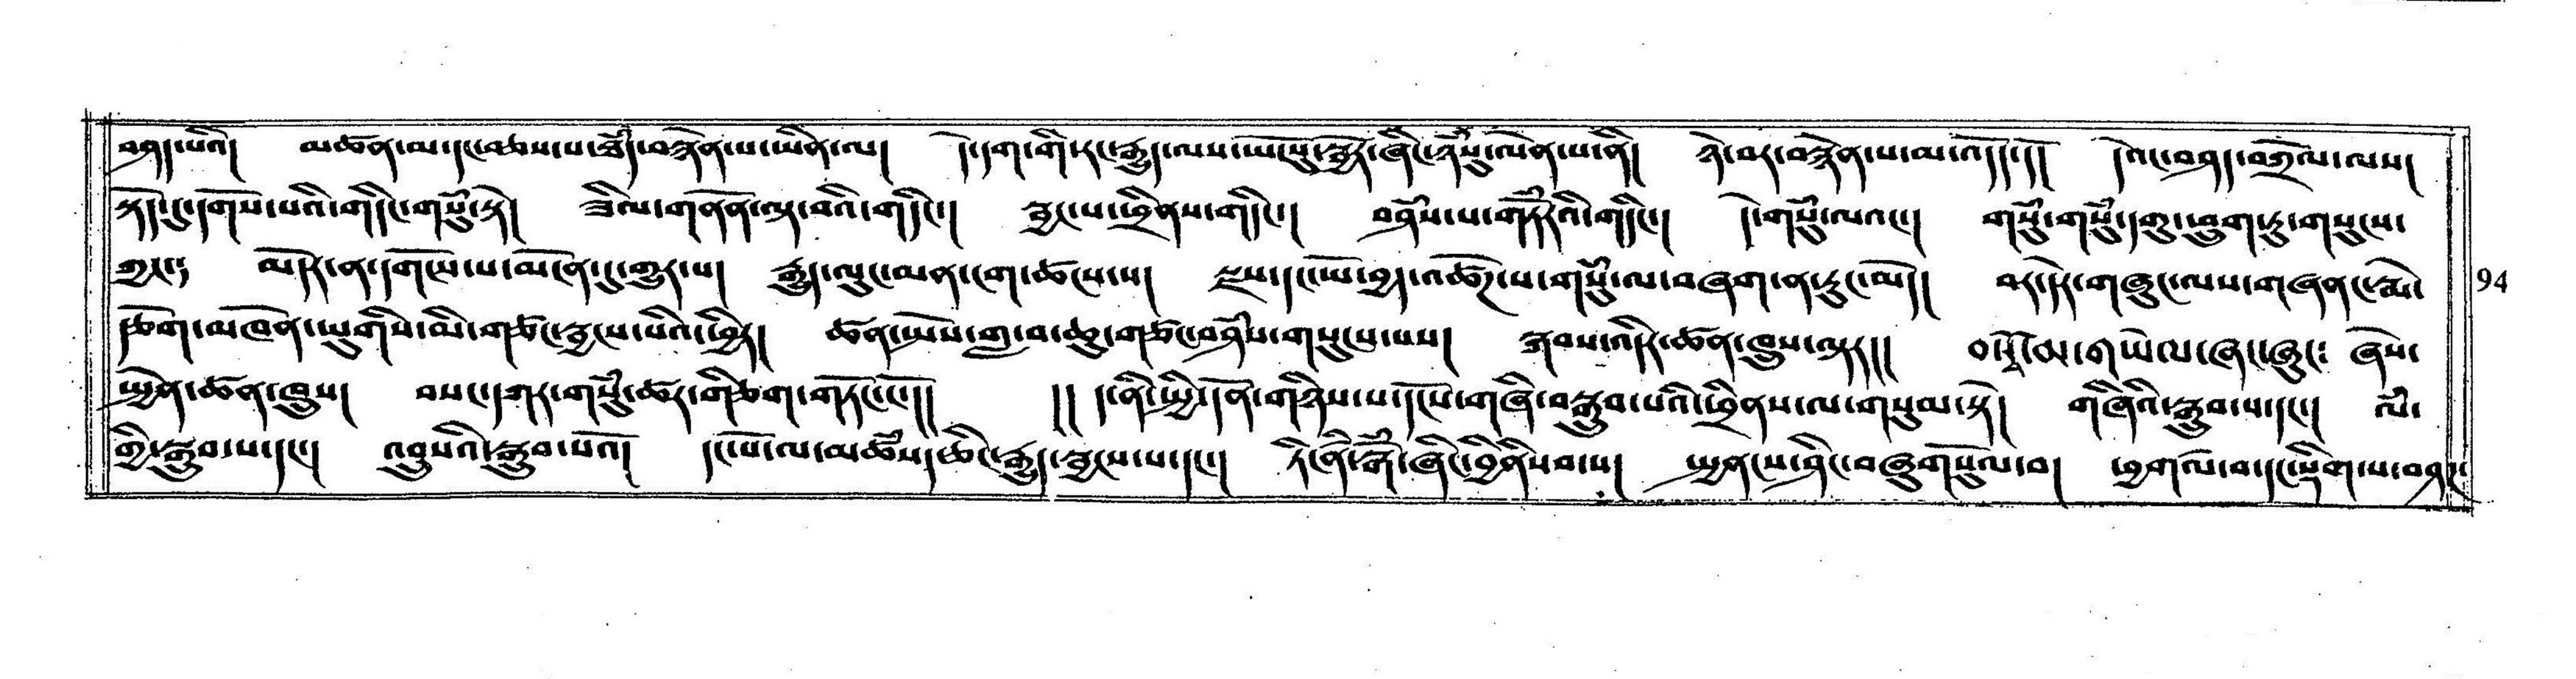བཤད་པའི། མཚན་མ་དང་བཅས་པ་ཐམས་ཅད་བསྙེན་པ་ཡིན་ལ། དེ་དག་གི་རང་རྒྱུད་ལས་ཡོངས་སུ་སྦྱོར་ཞིང་ཉམས་སུ་ལེན་པ་ནི། ཉེ་བར་བསྙེན་པ་མ་འདོད་དོ། དེའང་བཤད་བཀྲོལ་ལས། 
སྟོད་དུ་དགོས་པའི་གདིང་གསུམ་སྟེ། ཟིལ་གནོན་ལྟ་བའི་གདིང་། སྦྱང་པ་ཕྲིན་ལས་གདིང་། བཤམས་པ་གཏོར་མའི་གདིང་། དེ་གསུམ་ལའང་། གསུམ་གསུམ་དགུ་ཕྲུག་ཏུ་གསུངས་
ཀྱང་། མདོར་ན་དགོངས་པ་མངོན་དུ་གྱུར་པ། རྒྱུད་ལུང་མན་ངག་ཚངས་པ། རྫས་དང་ཡོ་བྱད་འཚོགས་པ་གསུམ་ལ་བཞག་ན་རུང་མོད། བར་དེར་གཞུང་ལས་གཞན་ཡང་སྨེ་
རྩོག་མཁོན་ཡུག་གིས་མི་གཙང་སྦྱངས་པའི་ཕྱིར། ཚན་སྤོས་གླ་བ་ཆུ་གཙང་བཤམས་གསུངས་པས། སྐབས་འདིར་ཚན་ཁྲུས་ལྟར།། བསྭོ་མ་གཡེལ་ཞང་ཞུང༴ ཞེས་
སྤྱན་འདྲེན་ཚན་ཁྲུས། བསང་དཀར་གསུམ་ཚར་གཅིག་གཏོང་ངོ་།། །། ད་ནི་སྤྱི་དོན་གཉིས་པ་དངོས་གཞི་བསྒྲུབ་པའི་ཕྲིན་ལས་ལ་གསུམ་སྟེ། གཞིའི་སྒྲུབ་པ་དང་། ལམ་
གྱི་སྒྲུབ་པ་དང་། འབྲས་བུའི་སྒྲུབ་པའོ། དང་པོ་ལ་མཚམས་བཅད་ཅིང་རྒྱུད་སྦྱངས་པ་དང་། ཏིང་འཛིན་སྒོམ་ཞིང་བྱིན་གྱིས་བརླབས་པ། སྤྱན་དྲངས་ཤིང་བཞུགས་སུ་གསོལ་བ། ཕྱག་འཚལ་བ་དང་སྡིག་པ་བཤགས་